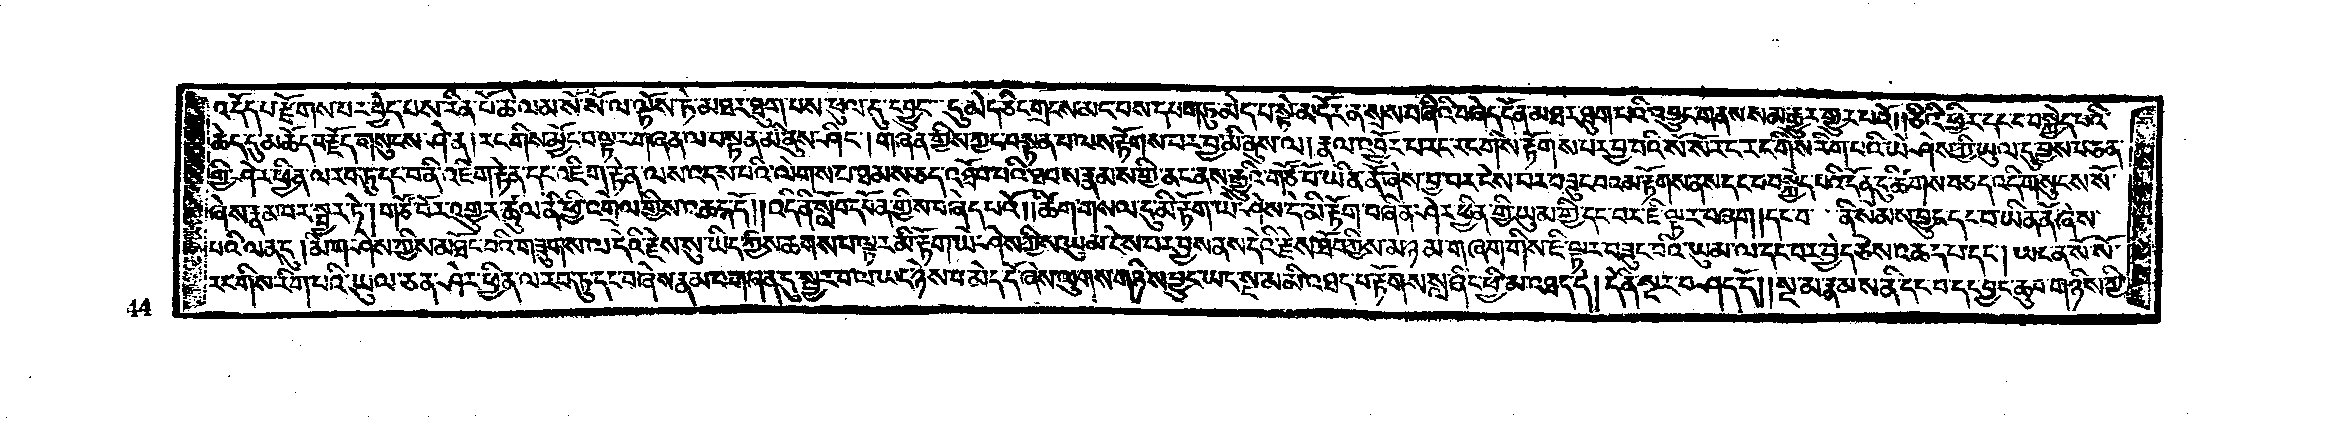འདོད་པ་རྫོགས་པར་བྱེད་པས་རིན་པོ་ཆེ་ལམ་སོ་སོ་ལ་ལྟོས་ཏེ་མཐར་ཐུག་པས་ཕུལ་དུ་དབྱུང་དུ་མེད་ཅིང་གྲངས་མང་པས་དཔག་ཏུ་མེད་པ་སྟེ་མདོར་ན་སྲས་བཞིའི་བཞེད་དོན་མཐར་ཐུག་པའི་འབྱུང་གནས་སམ་རྒྱུར་གྱུར་པའོ། །ཅིའི་ཕྱིར་དང་བསྐྱེད་པའི་
ཆེད་དུ་མཆོད་བརྗོད་གསུངས་ཤེ་ན། རང་གིས་མྱོང་བ་ལྟར་གཞན་ལ་བསྟན་མི་ནུས་ཤིང་། གཞན་གྱིས་ཀྱང་བསྟན་པ་ལས་རྟོགས་པར་བྱ་མི་ནུས་ལ། རྣལ་འབྱོར་པ་རང་རང་གིས་རྟོགས་པར་བྱ་བའི་སོ་སོ་རང་རང་གིས་རིག་པའི་ཡེ་ཤེས་ཀྱི་ཡུལ་དུ་བྱས་པ་ཅན་
གྱི་ཤེར་ཕྱིན་ལ་རབ་ཏུ་དང་བ་ནི་འཇིག་རྟེན་དང་འཇིག་རྟེན་ལས་འདས་པའི་ལེགས་པ་ཐམས་ཅད་འཐོབ་པའི་ཐབས་རྣམས་ཀྱི་ནང་ནས་རྒྱུའི་གཙོ་བོ་ཡིན་ནོ་ཞེས་བྱ་བར་ངེས་པར་བཟུང་བའམ་རྟོགས་ནས་དང་བ་བསྐྱེད་པའི་དོན་དུ་ཚིགས་བཅད་འདི་གསུངས་སོ་
ཞེས་རྣམ་པར་སྦྱར་ཏེ། གཙོ་བོར་འགྱུར་ཚུལ་ནི་ཕྱི་འགྲེལ་གྱིས་འཆད་དོ། །འདི་ནི་སློབ་དཔོན་གྱིས་བཞེད་པའོ། །ཚིག་གསལ་དུ་མི་རྟོག་ཡེ་ཤེས་དེ་མི་རྟོག་བཞིན་ཤེར་ཕྱིན་གྱི་ཡུམ་གྱི་དང་བར་ཇི་ལྟར་བཞག །དང་བ་ནི་སེམས་བྱུང་དང་བ་ཡིན་ནོ་ཞེས་
པའི་ལན་དུ། མིག་ཤེས་ཀྱིས་མཐོང་བའི་གཟུགས་ལ་དེའི་རྗེས་སུ་ཡིད་ཀྱིས་ཆགས་པ་ལྟར་མི་རྟོག་ཡེ་ཤེས་ཀྱིས་ཡུམ་ངེས་པར་བྱས་ནས་དེའི་རྗེས་ཐོབ་ཀྱིས་མཉམ་གཞག་གིས་ཇི་ལྟར་བཟུང་བའི་ཡུམ་ལ་དང་བར་བྱེད་ཅེས་འཆད་པ་དང་། ཡང་ན་སོ་སོ་
རང་གིས་རིག་པའི་ཡུལ་ཅན་ཤེར་ཕྱིན་ལ་རབ་ཏུ་དང་བ་ཞེས་རྣམ་པ་གཞན་དུ་སྦྱར་བ་ལ་ཡང་ཉེས་པ་མེད་དོ་ཞེས་ལུགས་གཉིས་བྱུང་ཡང་སྔ་མ་མི་འཐད་པ་རྟོགས་སླ་ཞིང་ཕྱི་མ་འཐད་དེ། དེ་ནི་སྔར་བཤད་དོ། །སྔ་མ་རྣམས་ནི་དང་བ་དང་བྱང་ཆུབ་གཉིས་ཀྱི་